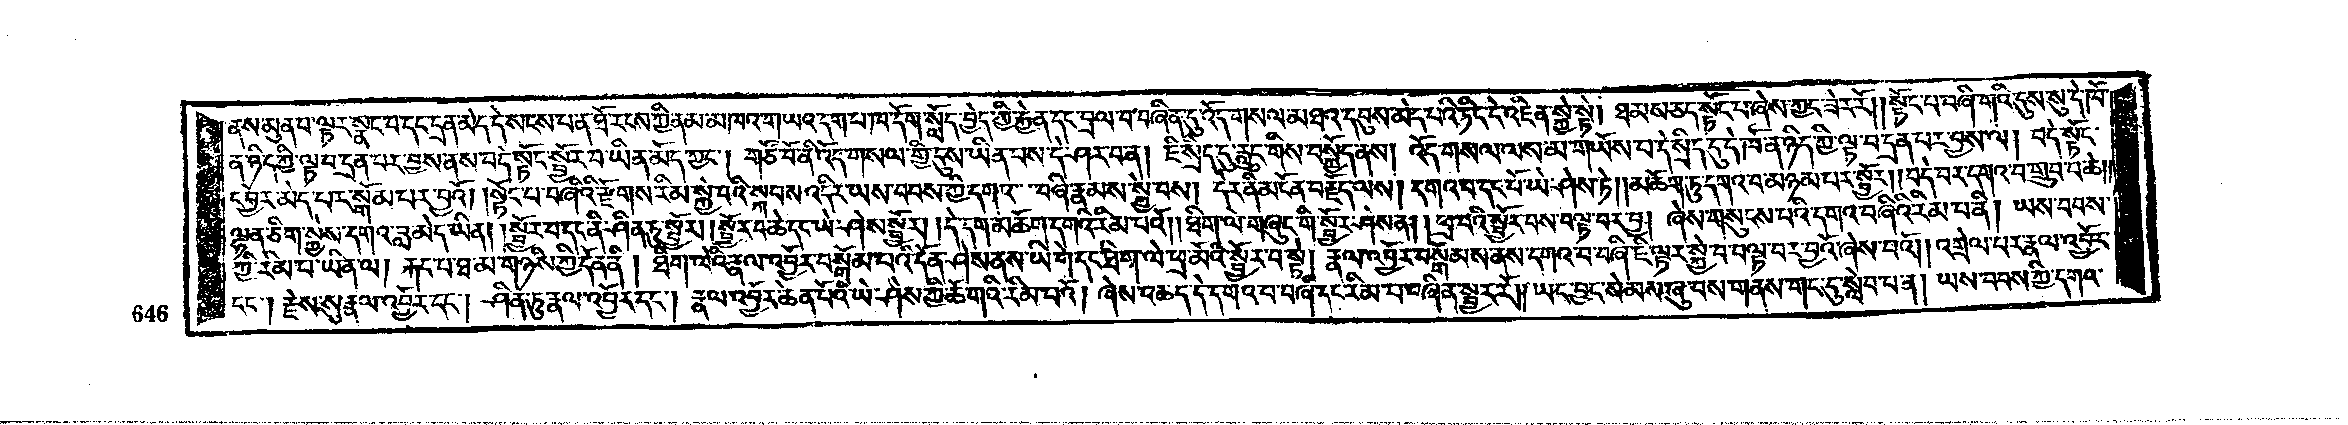ནས་མུན་པ་ལྟར་སྣང་བ་དང་དྲན་མེད་དེ་སངས་པ་ན་ཐོ་རངས་ཀྱི་ནམ་མཁའ་གཡའ་དག་པ་ཁ་དོག་སློད་བྱེད་ཀྱི་རྐྱེན་དང་བྲལ་བ་བཞིན་དུ་འོད་གསལ་མཐའ་དབུས་མེད་པའི་ཏིང་ངེ་འཛིན་སྐྱེ་སྟེ། ཐམས་ཅད་སྟོང་པ་ཞེས་ཀྱང་ཟེར་རོ། །སྟོང་པ་བཞི་གའི་དུས་སུ་དེ་ཁོ་
ན་ཉིད་ཀྱི་ལྟ་བ་དྲན་པར་བྱས་ནས་བདེ་སྟོང་སྦྱོར་བ་ཡིན་མོད་ཀྱང་། གཙོ་བོ་ནི་འོད་གསལ་གྱི་དུས་ཡིན་པས་དེ་ཤར་བ་ན། ཇི་སྲིད་དུ་རླུང་གིས་བསྐྱོད་ནས། འོད་གསལ་ལས་མ་གཡོས་པ་དེ་སྲིད་དུ་དེ་ཁོ་ན་ཉིད་ཀྱི་ལྟ་བ་དྲན་པར་བྱས་ལ། བདེ་སྟོང་
དབྱེར་མེད་པར་སྒོམ་པར་བྱའོ། །སྟོང་པ་བཞིའི་རྫོགས་རིམ་སྐྱེ་བའི་སྐབས་འདིར་ཡས་བབས་ཀྱི་དགའ་བཞི་རྣམས་སྐྱེ་བས། དེར་ནི་མངོན་བརྗོད་ལས། དགའ་བ་དང་པོ་ཡེ་ཤེས་ཏེ། །མཆོག་ཏུ་དགའ་བ་མཉམ་པར་སྦྱོར། །བདེ་བར་དགའ་བ་གྲུབ་པ་ཆེ། །
ལྷན་ཅིག་སྐྱེས་དགའ་ཟླ་མེད་ཡིན། །སྦྱོར་བ་དང་ནི་ཤིན་ཏུ་སྦྱོར། །སྦྱོར་བ་ཆེ་དང་ཡེ་ཤེས་སྦྱོར། །དེ་དག་མཆོག་དགའི་རིམ་པའོ། །ཐིག་ལ་གཞུང་གི་སྦྱོར་ཤེས་ན། །ཕྲ་བའི་སྦྱོར་བས་བལྟ་བར་བྱ། ཞེས་གསུངས་པའི་དགའ་བཞིའི་རིམ་པ་ནི། ཡས་བབས་
ཀྱི་རིམ་པ་ཡིན་ལ། རྐང་པ་ཐ་མ་གཉིས་ཀྱི་དོན་ནི། ཐིག་ལེའི་རྣལ་འབྱོར་བསྒོམ་པའི་དོན་ཤེས་ནས་ཡི་གེ་དང་ཐིག་ལེ་ཕྲ་མོའི་སྦྱོར་བ་སྟེ། རྣལ་འབྱོར་བསྒོམས་ནས་དགའ་བ་བཞི་ཇི་ལྟར་སྐྱེ་བ་བལྟ་བར་བྱའོ་ཞེས་པའོ། །འགྲེལ་པར་རྣལ་འབྱོར་
དང་། རྗེས་སུ་རྣལ་འབྱོར་དང་། ཤིན་ཏུ་རྣལ་འབྱོར་དང་། རྣལ་འབྱོར་ཆེན་པོའི་ཡེ་ཤེས་ཀྱི་ཆོ་གའི་རིམ་པའོ། །ཞེས་འཆད་དེ་དགའ་བ་བཞི་དང་རིམ་པ་བཞིན་སྦྱར་རོ། །ཡང་བྱང་སེམས་ཞུ་བས་གནས་གང་དུ་སླེབ་པ་ན། ཡས་བབས་ཀྱི་དགའ་